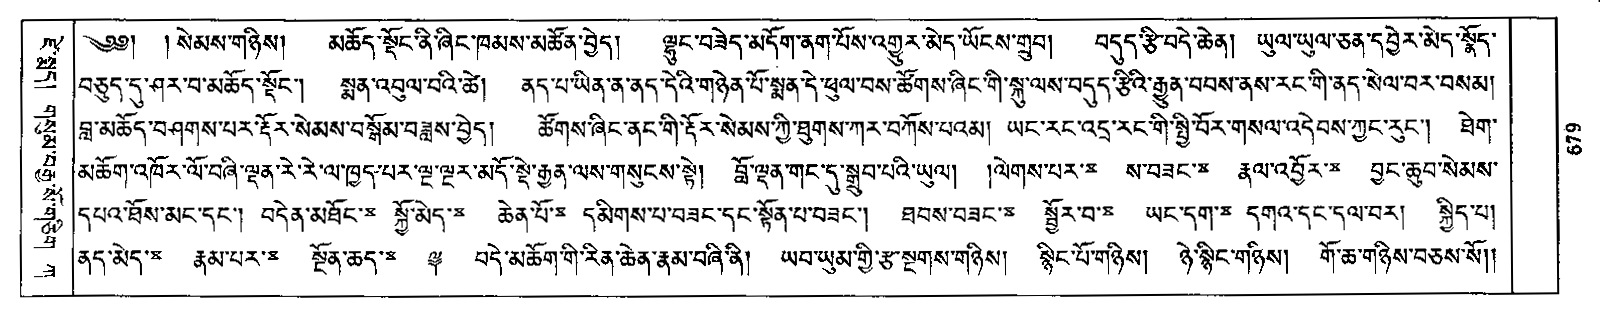༄༅། །སེམས་གཉིས། མཆོད་སྡོང་ནི་ཞིང་ཁམས་མཚོན་བྱེད། ལྷུང་བཟེད་མདོག་ནག་པོས་འགྱུར་མེད་ཡོངས་གྲུབ། བདུད་རྩི་བདེ་ཆེན། ཡུལ་ཡུལ་ཅན་དབྱེར་མེད་སྣོད་
བཅུད་དུ་ཤར་བ་མཆོད་སྡོང་། སྨན་འབུལ་བའི་ཚེ། ནད་པ་ཡིན་ན་ནད་དེའི་གཉེན་པོ་སྨན་དེ་ཕུལ་བས་ཚོགས་ཞིང་གི་སྐུ་ལས་བདུད་རྩིའི་རྒྱུན་བབས་ནས་རང་གི་ནད་སེལ་བར་བསམ།
བླ་མཆོད་བཤགས་པར་རྡོར་སེམས་བསྒོམ་བཟླས་བྱེད། ཚོགས་ཞིང་ནང་གི་རྡོར་སེམས་ཀྱི་ཐུགས་ཀར་བཀོས་པའམ། ཡང་རང་འདྲ་རང་གི་སྤྱི་བོར་གསལ་འདེབས་ཀྱང་རུང་། ཐེག་
མཆོག་འཁོར་ལོ་བཞི་ལྡན་རེ་རེ་ལ་ཁྱད་པར་ལྔ་ལྔར་མདོ་སྡེ་རྒྱན་ལས་གསུངས་སྟེ། བློ་ལྡན་གང་དུ་སྒྲུབ་པའི་ཡུལ། །ལེགས་པར་྾་ས་བཟང་྾་རྣལ་འབྱོར་྾་བྱང་ཆུབ་སེམས་
དཔའ་ཐོས་མང་དང་། བདེན་མཐོང་྾་སྐྱོ་མེད་྾་ཆེན་པོ་྾་དམིགས་པ་བཟང་དང་སྟོན་པ་བཟང་། ཐབས་བཟང་྾་སྦྱོར་བ་྾་ཡང་དག་྾་དགའ་དང་དལ་བར། སྐྱིད་པ།
ནད་མེད་྾་རྣམ་པར་྾་སྔོན་ཆད་྾་༈ བདེ་མཆོག་གི་རིན་ཆེན་རྣམ་བཞི་ནི། ཡབ་ཡུམ་གྱི་རྩ་སྔགས་གཉིས། སྙིང་པོ་གཉིས། ཉེ་སྙིང་གཉིས། གོ་ཆ་གཉིས་བཅས་སོ།།